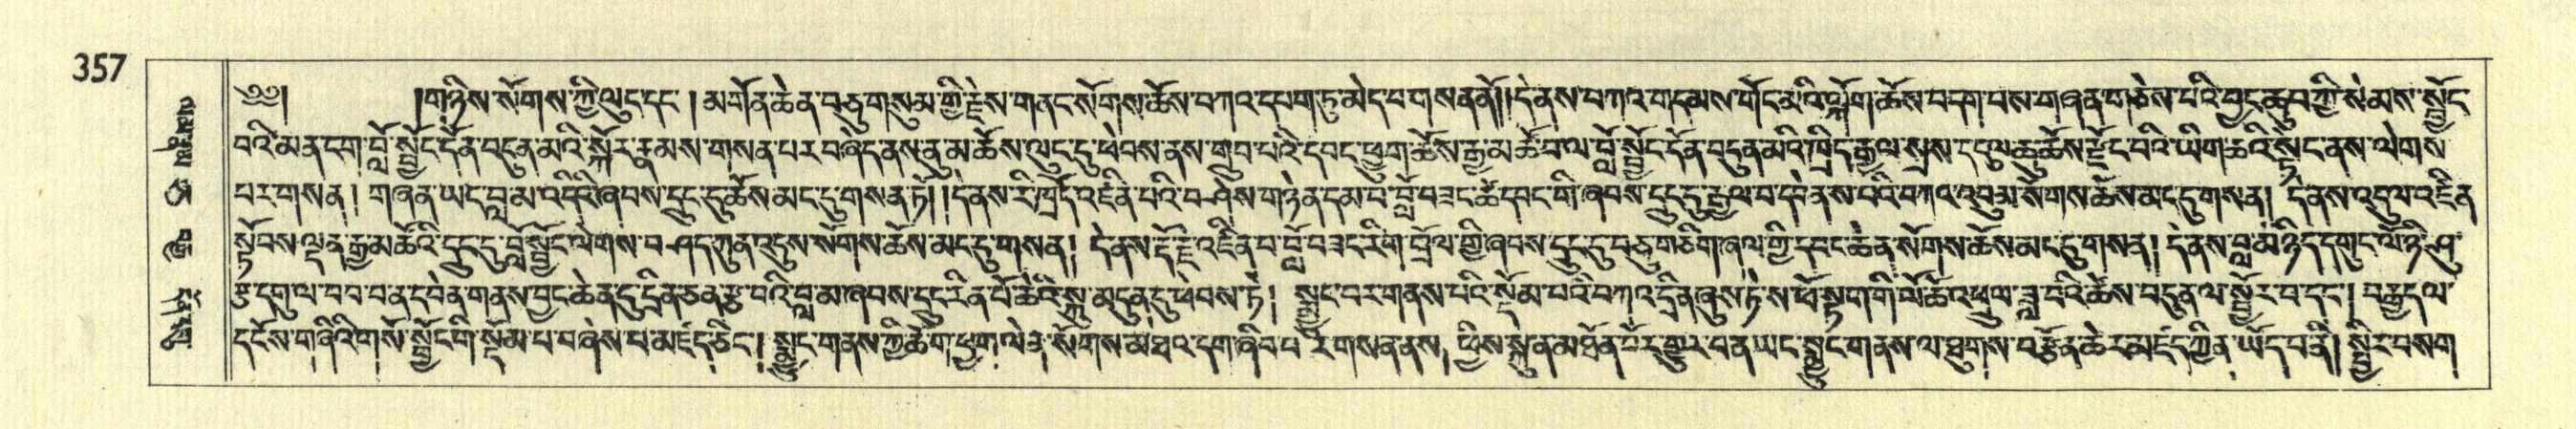༄༅། །གཉིས་སོགས་ཀྱི་ལུང་དང་། མགོན་པོ་ཆེན་བཅུ་གསུམ་གྱི་རྗེས་གནང་སོགས་ཆོས་བཀའ་དཔག་ཏུ་མེད་པ་གསན་ནོ། །དེ་ནས་བཀའ་གདམས་གོང་མའི་ལྐོག་ཆོས་བདག་པས་གཞན་གཅེས་པའི་བྱང་ཆུབ་ཀྱི་སེམས་སྦྱོང་
བའི་མན་ངག་བློ་སྦྱོང་དོན་བདུན་མའི་སྐོར་རྣམས་གསན་པར་བཞེད་ནས་ནུ་མ་ཆོས་ལུང་དུ་ཕེབས་ནས་གྲུབ་པའི་དབང་ཕྱུག་ཆོས་རྒྱ་མཚོ་བ་ལ་བློ་སྦྱོང་དོན་བདུན་མའི་ཁྲིད་རྒྱལ་སྲས་དངུལ་ཆུ་ཆོས་རྫོང་པའི་ཡིག་ཆའི་སྟེང་ནས་ལེགས་
པར་གསན། གཞན་ཡང་བླ་མ་འདིའི་ཞབས་དྲུང་དུ་ཆོས་མང་དུ་གསན་ཏོ། །དེ་ནས་རི་ཁྲོད་འཛིན་པའི་བཤེས་གཉེན་དམ་པ་བློ་བཟང་ཚེ་དབང་གི་ཞབས་དྲུང་དུ་རྒྱལ་བ་དབེན་ས་བའི་བཀའ་འབུམ་སོགས་ཆོས་མང་དུ་གསན། དེ་ནས་འདུལ་འཛིན་
སྟོབས་ལྡན་རྒྱ་མཚོའི་དྲུང་དུ་བློ་སྦྱོང་ལེགས་བཤད་ཀུན་འདུས་སོགས་ཆོས་མང་དུ་གསན། དེ་ནས་རྡོ་རྗེ་འཛིན་པ་བློ་བཟང་རིག་གྲོལ་གྱི་ཞབས་དྲུང་དུ་བཅུ་གཅིག་ཞལ་གྱི་དབང་ཆེན་སོགས་ཆོས་མང་དུ་གསན། དེ་ནས་བླ་མ་ཉིད་དགུང་ལོ་ཉི་ཤུ་
རྩ་དགུ་ལ་བབ་བ་ན་དབེན་གནས་བྱང་ཆེན་དུ་དྲིན་ཅན་རྩ་བའི་བླ་མ་ཞབས་དྲུང་རིན་པོ་ཆེའི་སྐུ་མདུན་དུ་ཕེབས་ཏེ། སྨྱུང་བར་གནས་པའི་སྡོམ་པའི་བཀའ་དྲིན་ཞུས་ཏེ་ས་ཕོ་སྟག་གི་ལོ་ཆོ་འཕྲུལ་ཟླ་བའི་ཚེས་བདུན་ལ་སྦྱོར་བ་དང་། བརྒྱད་ལ་
དངོས་གཞིའི་གསོ་སྦྱོང་གི་སྡོམ་པ་བཞེས་པ་མཛད་ཅིང་། སྨྱུང་གནས་ཀྱི་ཆོག་ཕྱག་ལེན་སོགས་མཐའ་དག་ཞིབ་པ་རེ་གསན་ནས། ཕྱིས་སྐུ་ན་མཐོན་པོར་གྱུར་བ་ན་ཡང་སྨྱུང་གནས་ལ་ཐུགས་བརྩོན་ཆེར་མཛད་ཀྱིན་ཡོད་པ་ནི། སྤྱིར་བསག་